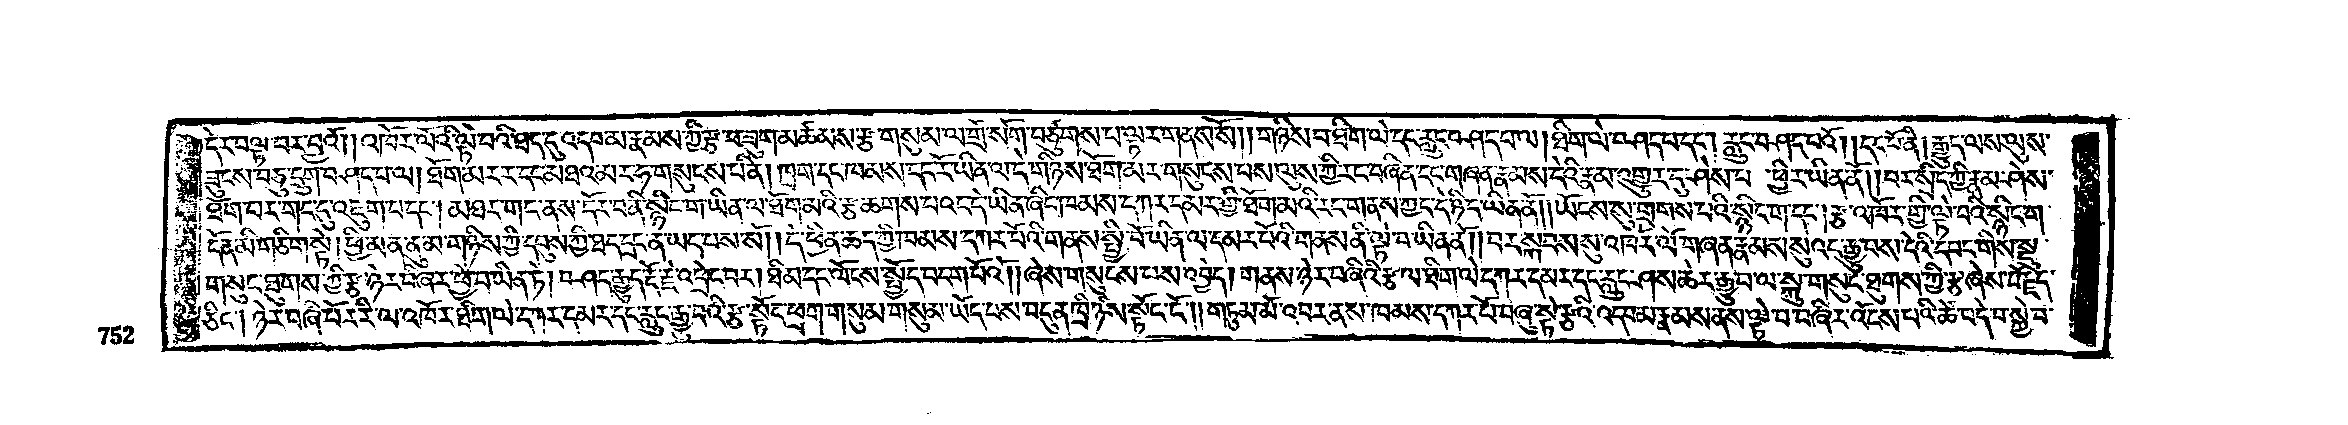དེར་བལྟ་བར་བྱའོ། །འཁོར་ལོའི་ལྟེ་བའི་ཐད་དུ་འདབ་མ་རྣམས་ཀྱི་རྩ་བ་ཟུག་མཚམས་རྩ་གསུམ་ལ་གྲོ་སོག་བཙུགས་པ་ལྟར་གནས་སོ། །གཉིས་པ་ཐིག་ལེ་དང་རླུང་བཤད་པ་ལ། ཐིག་ལེ་བཤད་པ་དང་། རླུང་བཤད་པའོ། །དང་པོ་ནི། རྒྱུད་ལས་ལུས་
ཟུངས་བཅུ་དྲུག་བཤད་པ་ལ། ཐོག་མར་ར་དང་མཐའ་མར་ཧ་གསུངས་པ་ནི། ཁྲག་དང་ཁམས་དང་རོ་ཡིན་ལ་དེ་གཉིས་ཐོག་མར་གསུངས་པས་ལུས་ཀྱི་རང་བཞིན་དང་གཞན་རྣམས་དེའི་རྣམ་འགྱུར་དུ་ཤེས་པའི་ཕྱིར་ཡིན་ནོ། །བར་སྲིད་ཀྱི་རྣམ་ཤེས་
ཐོག་མར་གང་དུ་འཇུག་པ་དང་། མཐར་གང་ནས་དོར་བ་ནི་སྙིང་ག་ཡིན་ལ་ཐོག་མའི་རྩ་ཆགས་པའང་དེ་ཡིན་ཞིང་ཁམས་དཀར་དམར་གྱི་ཐོག་མའི་རང་གནས་ཀྱང་དེ་ཉིད་ཡིན་ནོ། །ཡོངས་སུ་གྲགས་པའི་སྙིང་ག་དང་། རྩ་འཁོར་གྱི་ལྟེ་བའི་སྙིང་ག་
དོན་མི་གཅིག་སྟེ། ཕྱི་མ་ནི་ནུ་མ་གཉིས་ཀྱི་དབུས་ཀྱི་ཐད་དྲང་ན་ཡོད་པས་སོ། །དེ་ཕྱིན་ཆད་ཀྱི་ཁམས་དཀར་པོའི་གནས་སྤྱི་བོ་ཡིན་ལ་དམར་པོའི་གནས་ནི་ལྟེ་བ་ཡིན་ནོ། །བར་སྐབས་སུ་འཁོར་ལོ་གཞན་རྣམས་སུའང་རྒྱུ་བས་དེའི་དབང་གིས་སྐུ་
གསུང་ཐུགས་ཀྱི་རྩ་ཉེར་བཞིར་ཕྱེ་བ་ཡིན་ཏེ། བཤད་རྒྱུད་རྡོ་རྗེ་འཕྲེང་བར། ཐིམ་དང་ལོངས་སྤྱོད་བདག་པོའོ། །ཞེས་གསུངས་པས་འབྱེད། གནས་ཉེར་བཞིའི་རྩ་ལ་ཐིག་ལེ་དཀར་དམར་དང་རླུང་ཤད་ཆེར་རྒྱུ་བ་ལ་སྐུ་གསུང་ཐུགས་ཀྱི་རྩ་ཞེས་བརྗོད་
ཅིང་། ཉེར་བཞི་པོ་རེ་རེ་ལ་འཁོར་ཐིག་ལེ་དཀར་དམར་དང་རླུང་རྒྱུ་བའི་རྩ་སྟོང་ཕྲག་གསུམ་གསུམ་ཡོད་པས་བདུན་ཁྲི་ཉིས་སྟོང་ངོ། །གཏུམ་མོ་འབར་ནས་ཁམས་དཀར་པོ་བཞུ་སྟེ་རྩའི་འདབ་མ་རྣམས་ནས་ལྟེ་བ་བཞིར་འོངས་པའི་ཚེ་བདེ་བ་སྐྱེ་བ་